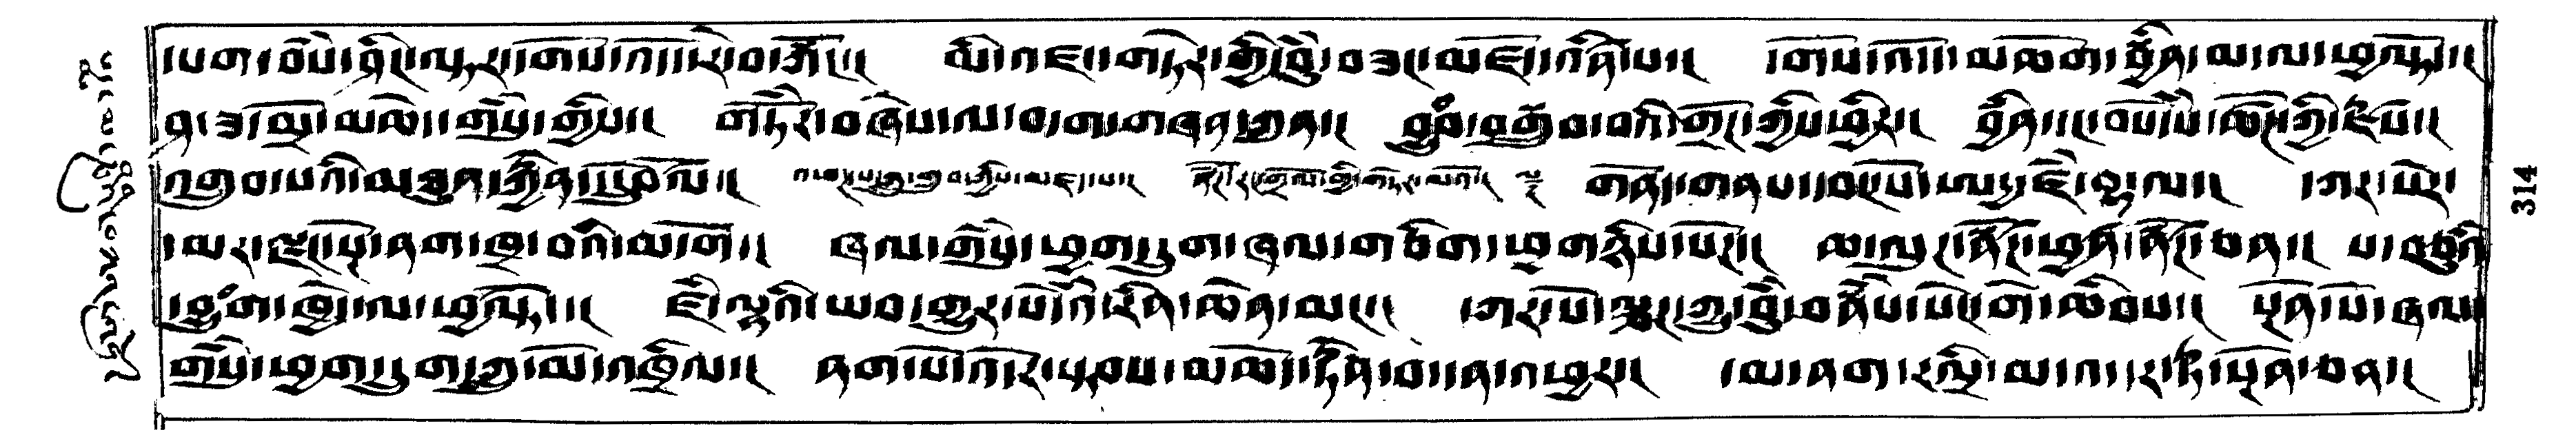དཔག་བསམ་ཤིང་ལྟར་དགོས་འདོད་རེ་བ་སྐོང་།མི་འཛད་གཏེར་གྱི་བུམ་བཟང་མཛོད་འཛིན་པ། །དགོས་འདོད་མཆོག་སྦྱིན་མ་ལ་ཕྱག་འཚལ་བསྟོད། །
ཤ་ཟ་མཁའ་འགྲོ་མཆེད་གསུམ་གྱིས། །གཏོར་མ་བཞེས་ལ་བདག་གཞན་ཀུན། །བྱང་ཆུབ་འགྲུབ་པོའི་གྲོགས་ཀྱིས་ཕྱིར། །སྦྱིན་དང་བསོད་ནམས་ཚོགས་ཀྱི་རྫས། །
འགྲུབ་པའི་མཐུན་རྐྱེན་དངོས་གྲུབ་སྩོལ། འཕགས་ཀླུ་གྲུབ་ཀྱིས་མཛད་པ་།སྣ་ཚོགས་གྲོལ་གྱི་གཏེར་མའོ།། ༈ གནོད་གནས་དབང་པོ་ཨརྻ་ཛམ་བྷ་ལ། དཀར་སེར་
དམར་ལྗང་སྔོ་ནག་ཁྲ་བའི་མདོག །ཞལ་གསུམ་ཕྱག་དྲུག་ཞལ་གཅིག་ཕྱག་གཉིས་སོགས། །ཆ་ལུགས་སྣ་ཚོགས་ཕྱག་མཚན་སྣ་ཚོགས་ཅན། །ས་བཅུའི་
དབང་ཕྱུག་ཁྱེད་ལ་ཕྱག་བསྟོད། །ཛམ་ལྷའི་ཡབ་གྱུར་སེམས་དཔའ་རིན་ཆེན་མང་། །དཀར་པོ་ལྕགས་ཀྱུ་བུམ་བསྣམས་སེང་གེ་ཆིབས། །སྔོན་པོ་ཞལ་
གསུམ་ཕྱག་དྲུག་ཀླུ་མོ་འཁྲིལ། །ནག་པོ་འདོར་སྟབས་མཆོད་རྟེན་བ་དན་འཕྱར། །ངམ་ནག་རལ་གྲི་མདའ་དར་རྟ་སྔོན་ཅན། །